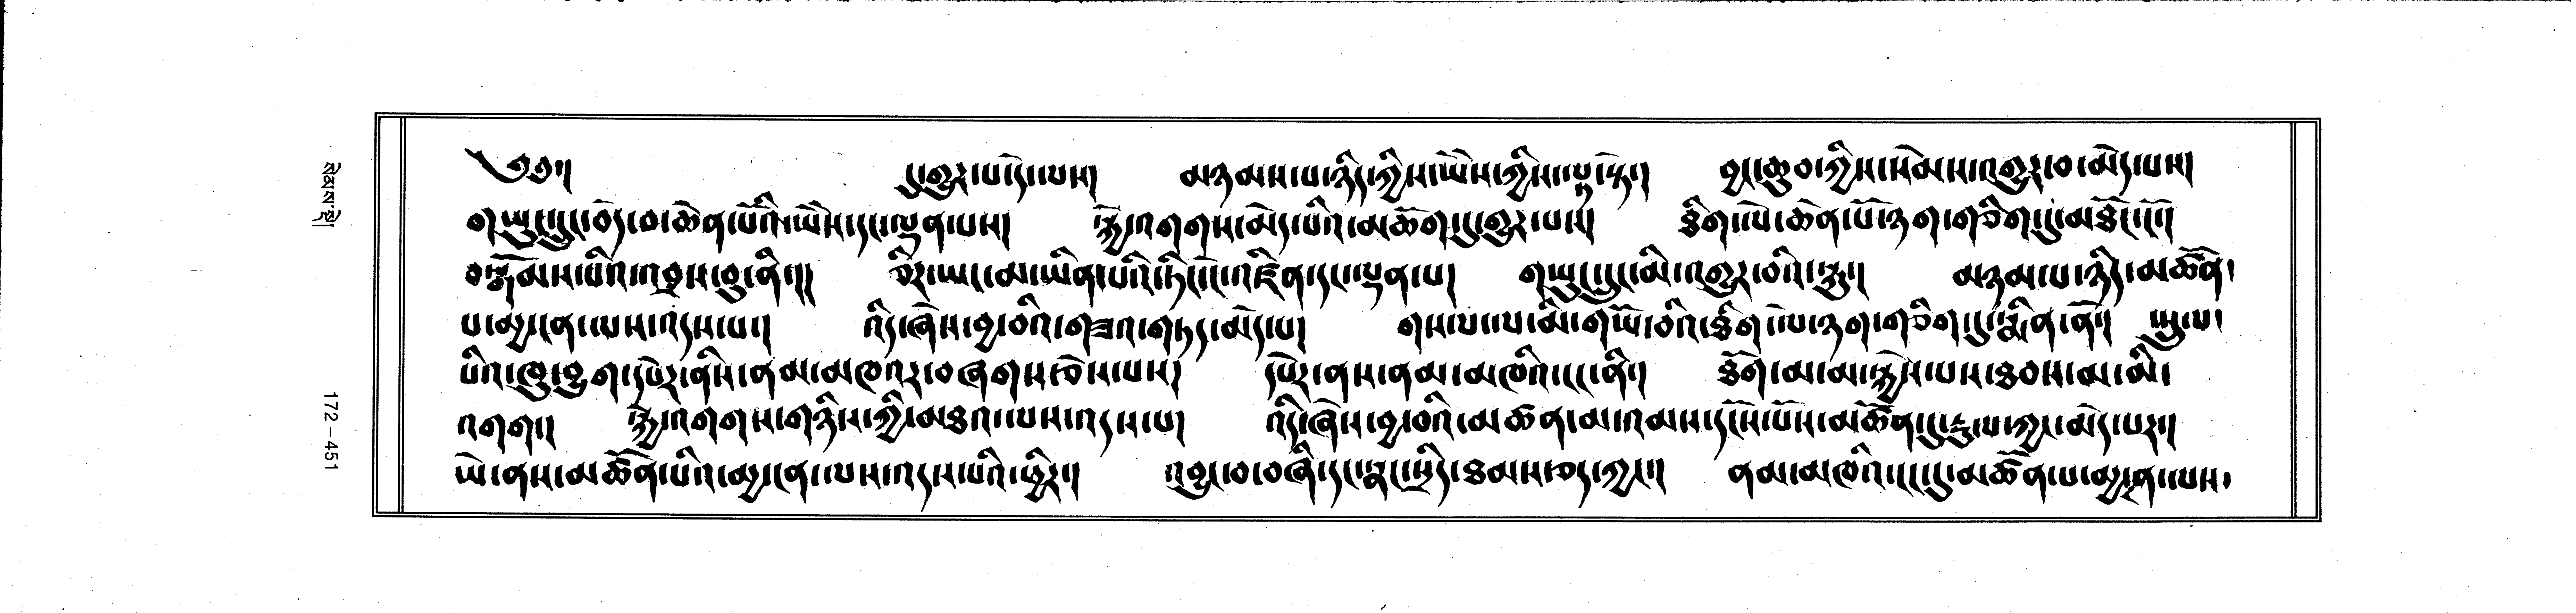མངོན་དུ་གྱུར་པ་དེ་ལས། མཉམ་པ་ཉིད་ཀྱིས་ཡེ་ཤེས་ཀྱིས་ལྟ་སྟེ། བྱང་ཆུབ་ཀྱིས་སེམས་འགྱུར་བ་མེད་པས། 
གཡུང་དྲུང་བདེ་བ་ཆེན་པོའི་ཡེ་ཤེས་དང་ལྡན་པས། སྐྱེ་འགགས་མེད་པའི་མཆོག་དུ་གྱུར་པས། ཐིག་ལེ་ཆེན་པོ་ཉག་གཅིག་དུ་མཐོང་ངོ་། 
བསྒོམས་པའི་འབྲས་བུ་ནི། ཅིར་་ཡང་མ་ཡིན་པའི་ཏིང་ངེ་འཛིན་དང་ལྡན་པ། གཡུང་དྲུང་གི་འགྱུར་བའི་སྐུ། མཉམ་པ་ཉིད་མཚོན་
པ་མྱ་ངན་ལས་འདས་པ། འདི་ཞེས་བྱ་བའི་གཟའ་གཏད་མེད་པ། གསལ་ལ་མི་གཡོ་བའི་ཐིག་ལེ་ཉག་གཅིག་དུ་སྨིན་ནོ། སྤྲུལ་
པའི་ཁུ་བྱུག་དཔེར་ནིས་ནམ་མཁར་བཞགས་ཅེས་པས། དཔེར་ནས་ནམ་མཁའི་ངང་ནི། ཐོག་མ་མ་སྐྱེས་པས་ཐབས་མ་མི་
འགག སྐྱེ་འགགས་གཉིས་ཀྱི་མཐའ་ལས་འདས་པ། འདི་ཞེས་བྱ་བའི་མཚན་མ་འམ་དངོས་པོས་མཚོན་དུ་རྡུལ་ཀྱང་མེད་པར། 
ཡེ་ནས་མཚོན་པའི་མྱ་ངན་ལས་འདས་པའི་ཕྱིར། འབྱུང་བ་བཞི་དང་སྣང་སྲིད་ཐམས་ཅད་ཀྱང་། ནམ་མཁའི་ངང་དུ་མཚོན་པ་མྱ་ངན་ལས་